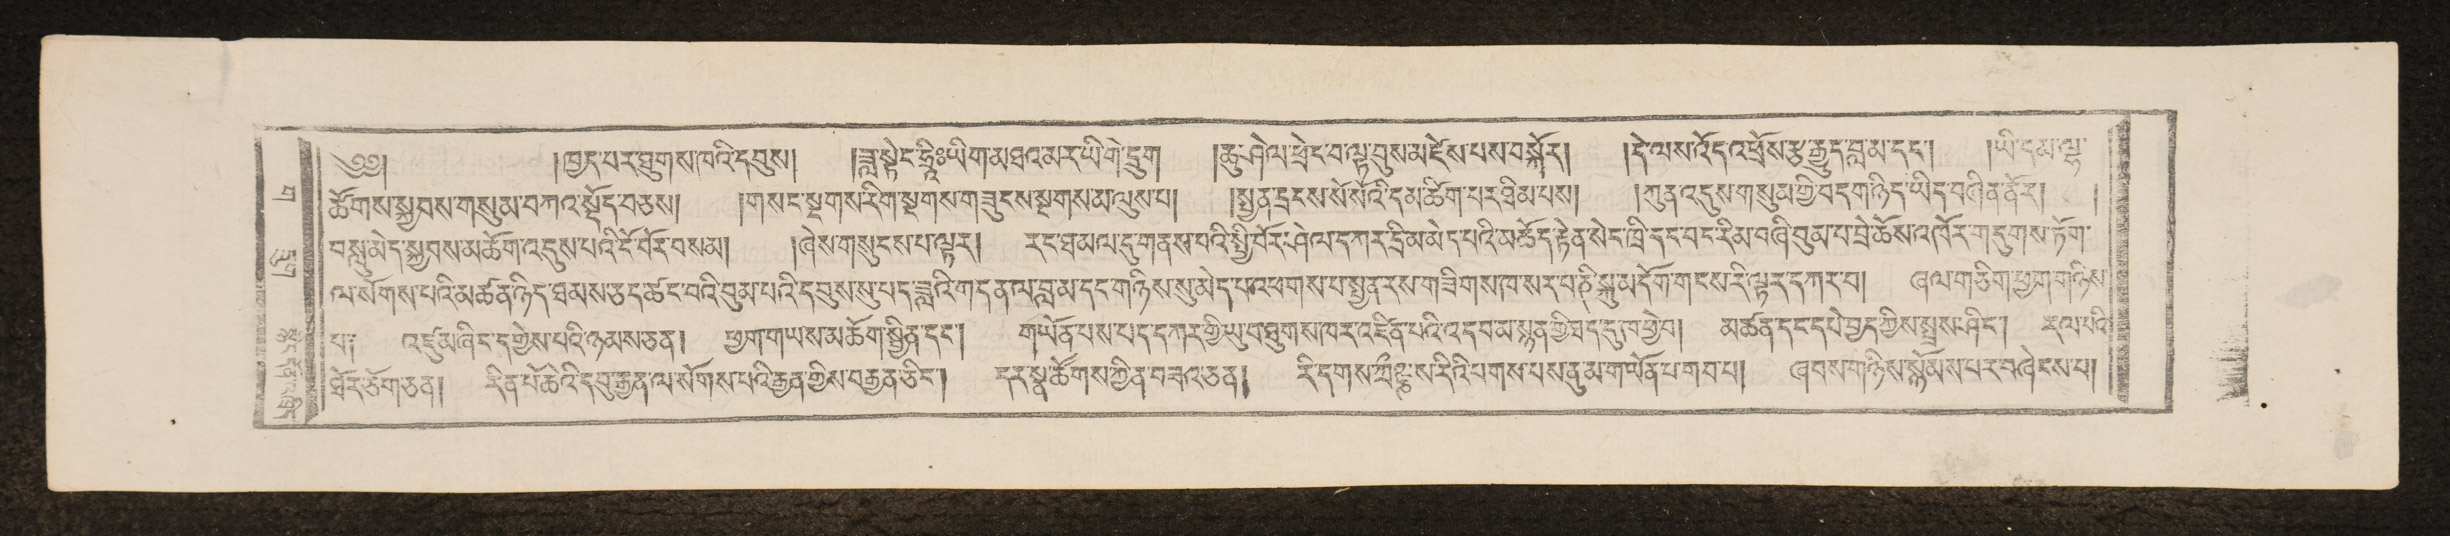༄༅། །ཁྱད་པར་ཐུགས་ཁའི་དབུས། །ཟླ་སྟེང་ཧྲཱིཿཡིག་མཐའ་མར་ཡི་གེ་དྲུག །ཆུ་ཤེལ་ཕྲེང་བ་ལྟ་བུས་མཛེས་པས་བསྐོར། །དེ་ལས་འོད་འཕྲོས་རྩ་རྒྱུད་བླ་མ་དང་། །ཡི་དམ་ལྷ་
ཚོགས་སྐྱབས་གསུམ་བཀའ་སྡོད་བཅས། །གསང་སྔགས་རིག་སྔགས་གཟུངས་སྔགས་མ་ལུས་པ། །སྤྱན་དྲངས་སོ་སོའི་དམ་ཚིག་པར་ཐིམ་པས། །ཀུན་འདུས་གསུམ་གྱི་བདག་ཉིད་ཡིད་བཞིན་ནོར། །
བསླུ་མེད་སྐྱབས་མཆོག་འདུས་པའི་ངོ་བོར་བསམ། །ཞེས་གསུངས་པ་ལྟར། རང་ཐ་མལ་དུ་གནས་པའི་སྤྱི་བོར་ཤེལ་དཀར་དྲི་མ་མེད་པའི་མཆོད་རྟེན་སེང་ཁྲི་དང་བང་རིམ་བཞི་བུམ་པ་བྲེ་ཆོས་འཁོར་གདུགས་ཏོག་
ལ་སོགས་པའི་མཚན་ཉིད་ཐམས་ཅད་ཚང་བའི་བུམ་པའི་དབུས་སུ་པད་ཟླའི་གདན་ལ་བླ་མ་དང་གཉིས་སུ་མེད་པ་འཕགས་པ་སྤྱན་རས་གཟིགས་ཁ་སར་པ་ཎི་སྐུ་མདོག་གངས་རི་ལྟར་དཀར་བ། ཞལ་གཅིག་ཕྱག་གཉིས་
པ༑ འཛུམ་ཞིང་དགྱེས་པའི་ཉམས་ཅན། ཕྱག་གཡས་མཆོག་སྦྱིན་དང་། གཡོན་པས་པད་དཀར་གྱི་ཡུ་བ་ཐུགས་ཁར་འཛིན་པའི་འདབ་མ་སྙན་གྱི་ཐད་དུ་ཁ་ཕྱེ་བ། མཚན་དང་དཔེ་བྱད་ཀྱིས་སྤྲས་ཤིང་། རལ་བའི་
ཐོར་ཅོག་ཅན། རིན་པོ་ཆེའི་དབུ་རྒྱན་ལ་སོགས་པའི་རྒྱན་གྱིས་བརྒྱན་ཅིང་། དར་སྣ་ཚོགས་བྱིན?་བཟའ་ཅན། རི་དགས་ཀྲྀཥྞ་ས་དིའི་པགས་པས་ནུ་མ་གཡོན་པ་གབ་པ། ཞབས་གཉིས་སྙོམས་པར་བཞེངས་པ།